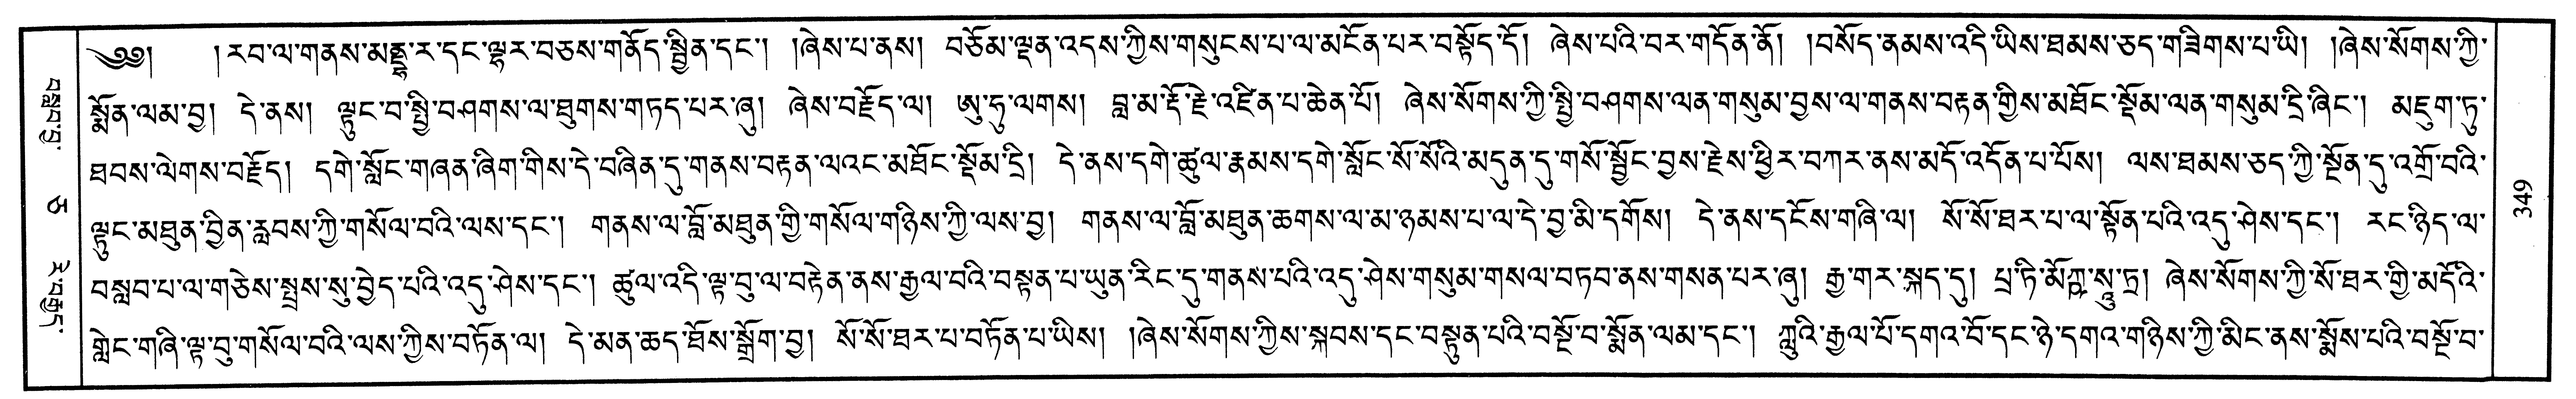༄༅། །རབ་ལ་གནས་མནྡྷ་ར་དང་ལྷར་བཅས་གནོད་སྦྱིན་དང་། །ཞེས་པ་ནས། བཅོམ་ལྡན་འདས་ཀྱིས་གསུངས་པ་ལ་མངོན་པར་བསྟོད་དོ། །ཞེས་པའི་བར་གདོན་ནོ། །བསོད་ནམས་འདི་ཡིས་ཐམས་ཅད་གཟིགས་པ་ཡིན། །ཞེས་སོགས་ཀྱི་
སྨོན་ལམ་བྱ། དེ་ནས། ལྟུང་བ་སྤྱི་བཤགས་ལ་ཐུགས་གཏད་པར་ཞུ། ཞེས་བརྗོད་ལ། ཨུ་ཧུ་ལགས། བླ་མ་རྡོ་རྗེ་འཛིན་པ་ཆེན་པོ། ཞེས་སོགས་ཀྱི་སྤྱི་བཤགས་ལན་གསུམ་བྱས་ལ་གནས་བརྟན་གྱིས་མཐོང་སྡོམ་ལན་གསུམ་དྲི་ཞིང་། འཇུག་ཏུ་
ཐབས་ལེགས་བརྗོད། དགེ་སློང་གཞན་ཞིག་གིས་དེ་བཞིན་དུ་གནས་བརྟན་ལའང་འཐོང་སྡོམ་དྲི། དེ་ནས་དགེ་ཚུལ་རྣམས་དགེ་སློང་སོ་སོའི་མདུན་དུ་གསོ་སྦྱོང་བྱས་རྗེས་ཕྱིར་བཀར་ནས་མདོ་འདོན་པ་པོས། ལས་ཐམས་ཅད་ཀྱི་སྔོན་དུ་འགྲོ་བའི་
ལྟུང་མཐུན་བྱིན་རླབས་ཀྱི་གསོལ་བའི་ལས་དང་། གནས་ལ་བློ་མཐུན་གྱི་གསོལ་གཉིས་ཀྱི་ལས་བྱ། གནས་ལ་བློ་མཐུན་ཆགས་ལ་མ་ཉམས་པ་ལ་དེ་བྱ་མི་དགོས། དེ་ནས་དངོས་གཞི་ལ། སོ་སོ་ཐར་པ་ལ་སྟོན་པའི་འདུ་ཤེས་དང་། རང་ཉིད་ལ་
བསླབ་པ་ལ་གཅེས་སྤྲས་སུ་བྱེད་པའི་འདུ་ཤེས་དང་། ཚུལ་འདི་ལྟ་བུ་ལ་བརྟེན་ནས་རྒྱལ་བའི་བསྟན་པ་ཡུན་རིང་དུ་གནས་པའི་འདུ་ཤེས་གསུམ་གསལ་བཏབ་ནས་གསན་པར་ཞུ། རྒྱ་གར་སྐད་དུ། པྲ་ཏི་མོཀྵ་སཱུ་ཏྲ། ཞེས་སོགས་ཀྱི་སོ་ཐར་གྱི་མདོའི་
གླེང་གཞི་ལྟ་བུ་གསོལ་བའི་ལས་ཀྱིས་བཏོན་ལ། དེ་མན་ཆད་ཐོས་སྒྲོག་བྱ། སོ་སོ་ཐར་པ་བཏོན་པ་ཡིས། །ཞེས་སོགས་ཀྱིས་སྐབས་དང་བསྟུན་པའི་བསྔོ་བ་སྨོན་ལམ་དང་། ཀླུའི་རྒྱལ་པོ་དགའ་བོ་དང་ཉེ་དགའ་གཉིས་ཀྱི་མིང་ནས་སྨོས་པའི་བསྔོ་བ་